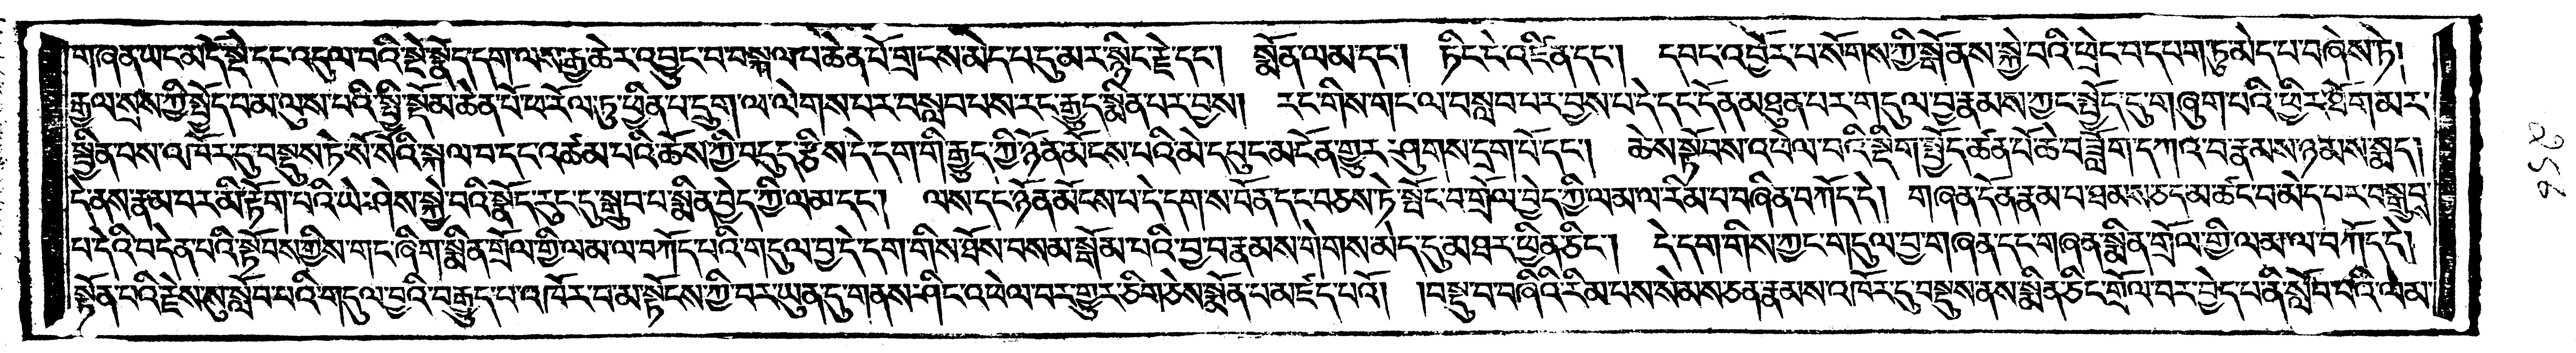གཞན་ཡང་མདོ་སྡེ་དང་འདུལ་བའི་སྡེ་སྣོད་དག་ལས་རྒྱ་ཆེར་འབྱུང་བ་བསྐལ་པ་ཆེན་པོ་གྲངས་མེད་པ་དུ་མར་སྙིང་རྗེ་དང་། སྨོན་ལམ་དང་། ཏིང་ངེ་འཛིན་དང་། དབང་འབྱོར་པ་སོགས་ཀྱི་སྒོ་ནས་སྐྱེ་བའི་ཕྲེང་བ་དཔག་ཏུ་མེད་པ་བཞེས་ཏེ།
རྒྱལ་སྲས་ཀྱི་སྤྱོད་བ་མ་ལུས་པའི་སྤྱི་སྡོམ་ཆེན་པོ་ཕ་རོལ་ཏུ་ཕྱིན་པ་དྲུག་ལ་ལེགས་པར་བསླབ་པས་རང་རྒྱུད་སྨིན་པར་བྱས། རང་གིས་གང་ལ་བསླབ་པར་བྱས་པ་དེ་དང་དོན་མཐུན་པར་གདུལ་བྱ་རྣམས་ཀྱང་སྤྱོད་དུ་གཞུག་པའི་ཕྱིར་ཐོག་མར་
སྦྱིན་པས་འཁོར་དུ་བསྡུས་ཏེ་སོ་སོའི་སྐལ་བ་དང་འཚམ་པའི་ཆོས་ཀྱི་བདུད་རྩིས་དེ་དག་གི་རྒྱུད་ཀྱི་ཉོན་མོངས་པའི་མེ་དཔུང་མངོན་གྱུར་ཤུགས་དྲག་པོ་དང་། ཆེས་སྟོབས་འཕལ་བའི་སྡིག་སྤྱོད་ཚན་པོ་ཆེ་བཟློག་དཀའ་བ་རྣམས་ཉམས་སྨད།
དེ་ནས་རྣམ་པར་མི་རྟོག་པའི་ཡེ་ཤེས་སྐྱེ་བའི་སྣོད་རུང་དུ་སྒྲུབ་པ་སྨིན་བྱེད་ཀྱི་ལམ་དང་། ལས་དང་ཉོན་མོངས་པ་དེ་དག་ས་བོན་དང་བཅས་ཏེ་སྤོང་བ་གྲོལ་བྱེད་ཀྱི་ལམ་ལ་རིམ་བ་བཞིན་བཀོད་དེ། གཞན་དོན་རྣམ་པ་ཐམས་ཅད་མ་ཚང་བ་མེད་པར་བསྒྲུབ་
པ་དེའི་བདེན་པའི་སྟོབས་ཀྱིས་གང་ཞིག་སྨིན་གྲོལ་གྱི་ལམ་ལ་བཀོད་པའི་གདུལ་བྱ་དེ་དག་གིས་ཐོས་བསམ་སྒོམ་པའི་བྱ་བ་རྣམས་གེགས་མེད་དུ་མཐར་ཕྱིན་ཅིང་། དེ་དག་གིས་ཀྱང་གདུལ་བྱ་གཞན་དང་གཞན་སྨིན་གྲོལ་གྱི་ལམ་ལ་བཀོད་དེ།
སྟོན་པའི་རྗེས་སུ་སློབ་པའི་གདུལ་བྱའི་བརྒྱུད་པ་འཁོར་བ་མ་སྟོངས་ཀྱི་བར་ཡུན་དུ་གནས་ཤིང་འཕེལ་བར་གྱུར་ཅིག་ཅེས་སྨོན་པ་མཛད་པའོ། །བསྡུ་བ་བཞིའི་རིམ་པས་སེམས་ཅན་རྣམས་འཁོར་དུ་བསྡུས་ནས་སྨིན་ཅིང་གྲོལ་བར་བྱེད་པ་ནི་སློབ་པའི་ལམ་